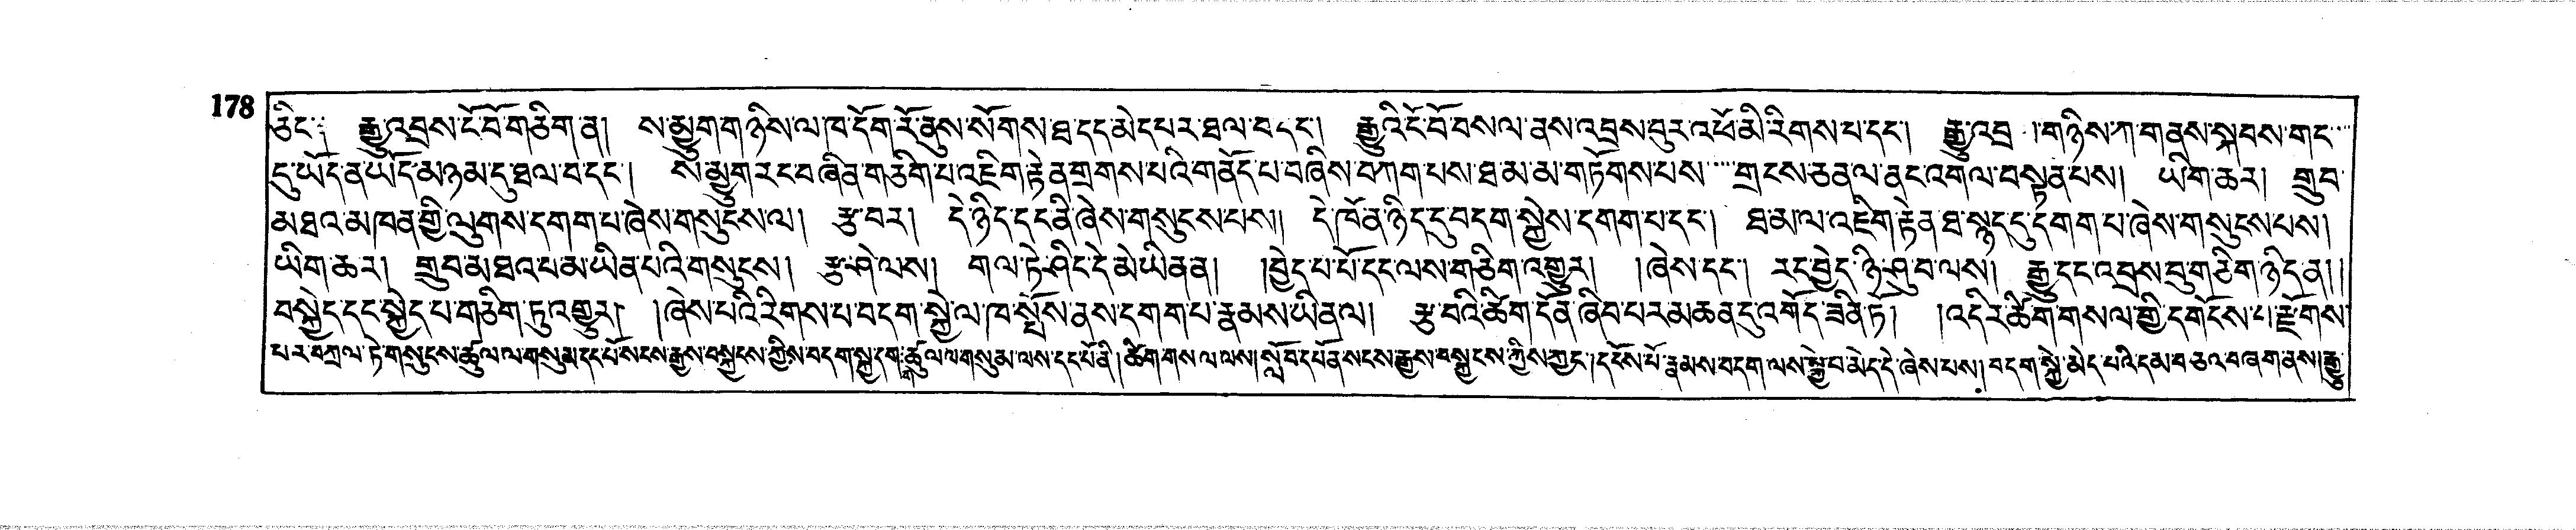ཅིང་། རྒྱུ་འབྲས་ངོ་བོ་གཅིག་ན། ས་མྱུག་གཉིས་ལ་ཁ་དོག་རོ་ནུས་སོགས་ཐ་དད་མེད་པར་ཐལ་བ་དང་། རྒྱུའི་ངོ་བོ་བསལ་ནས་འབྲས་བུར་འཕོ་མི་རིགས་པ་དང་། རྒྱུ་འབྲས་གཉིས་ཀ་གནས་སྐབས་གང་
དུ་ཡོད་ན་ཡོད་མཉམ་དུ་ཐལ་བ་དང་། ས་མྱུག་རང་བཞིན་གཅིག་པ་འཇིག་རྟེན་གྲགས་པའི་གནོད་པ་བཞིས་བཀག་པས་ཐ་མ་མ་གཏོགས་པས་གྲངས་ཅན་ལ་ནང་འགལ་བསྟན་པས། ཡིག་ཆར། གྲུབ་
མཐའ་མཁན་གྱི་ལུགས་དགག་པ་ཞེས་གསུངས་ལ། རྩ་བར། དེ་ཉིད་དང་ནི་ཞེས་གསུངས་པས། དེ་ཁོ་ན་ཉིད་དུ་བདག་སྐྱེས་དགག་པ་དང་། ཐ་མ་ལ་འཇིག་རྟེན་ཐ་སྙད་དུ་དགག་པ་ཞེས་གསུངས་པས།
ཡིག་ཆར། གྲུབ་མཐའ་པ་མ་ཡིན་པའི་གསུངས། རྩ་ཤེ་ལས། གལ་ཏེ་ཤིང་དེ་མེ་ཡིན་ན། །བྱེད་པ་པོ་དང་ལས་གཅིག་འགྱུར། །ཞེས་དང་། རང་བྱེད་ཉི་ཤུ་བ་ལས། རྒྱུ་དང་འབྲས་བུ་གཅིག་ཉིད་ན། །
བསྐྱེད་དང་སྐྱེད་པ་གཅིག་ཏུ་འགྱུར། །ཞེས་པའི་རིགས་པ་བདག་སྐྱེ་ལ་ཁ་སྤོས་ནས་དགག་པ་རྣམས་ཡིན་ལ། རྩ་བའི་ཚིག་དོན་ཞིབ་པར་མཆན་དུ་འགོད་ཟིན་ཏོ། །འདིར་ཚིག་གསལ་གྱི་དགོངས་པ་རྫོགས་
པར་བཀྲལ་ཏེ་གསུངས་ཚུལ་ལ་གསུམ་དང་པོ་སངས་རྒྱས་བསྐྱངས་ཀྱིས་བདག་སྐྱ་དགག་ཚུལ་ལ་གསུམ་ལས་དང་པོ་ནི། ཚིག་གསལ་ལས། སློབ་དཔོན་སངས་རྒྱས་བསྐྱངས་ཀྱིས་ཀྱང་། དངོས་པོ་རྣམས་བདག་ལས་སྐྱེ་བ་མེད་དེ་ཞེས་པས། བདག་སྐྱེ་མེད་པའི་དམ་བཅའ་བཞག་ནས། རྒྱུ་